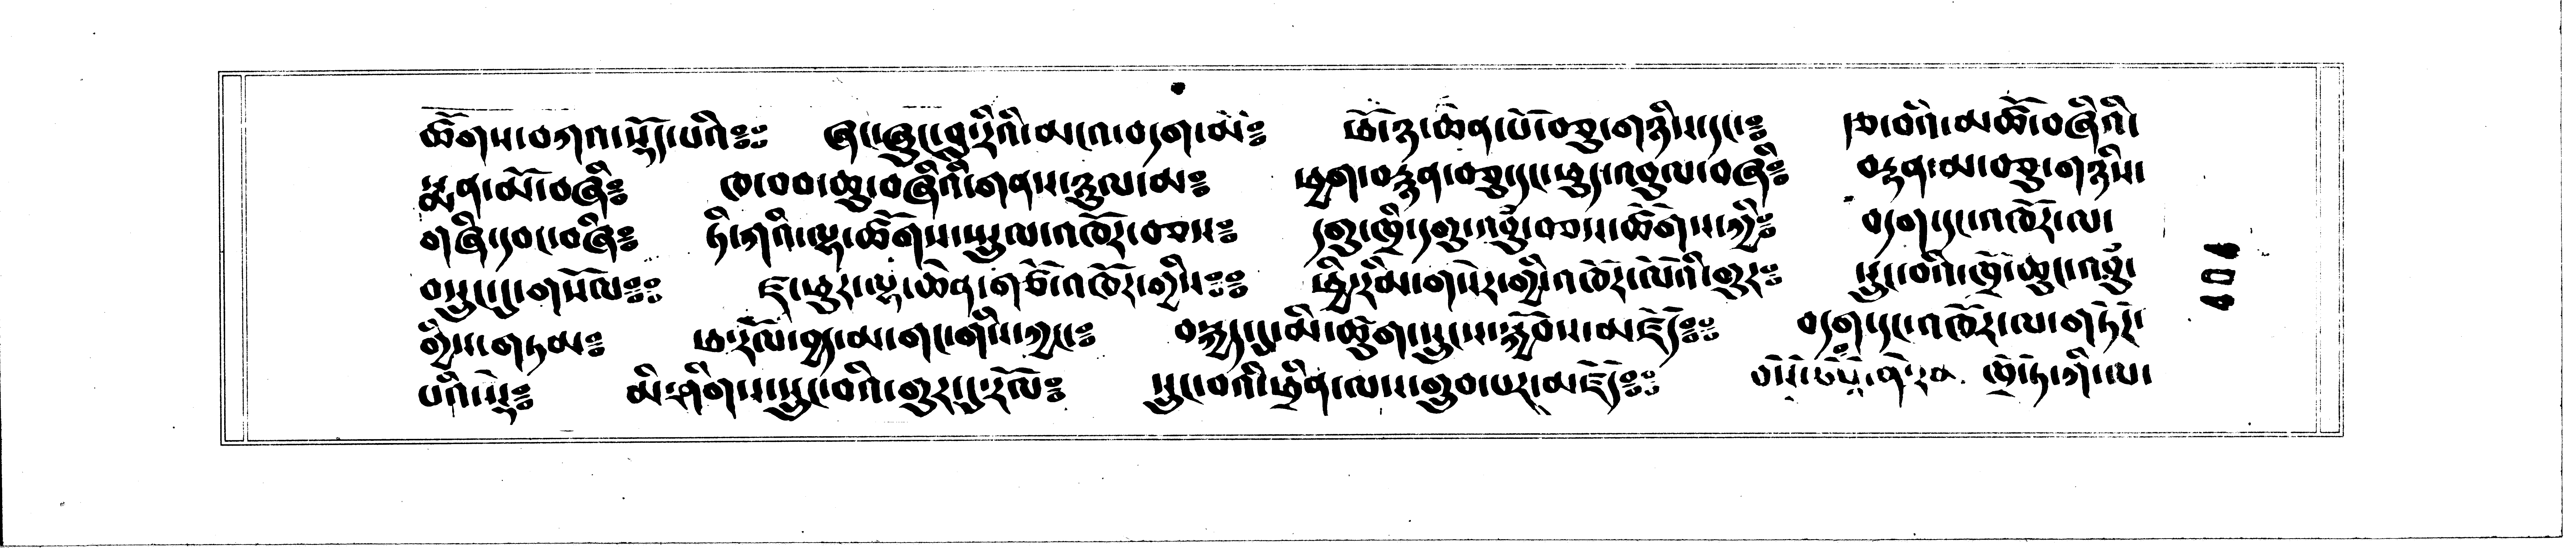ཚོགས་བཀའ་སྡོད་པའི༔ཞང་ཞུང་བླ་རིའི་མངའ་བདག་མོ༔ཕོ་ཉ་ཆེན་པོ་བཅུ་གཉིས་དང་༔རྩ་བའི་མཚོ་བཞིའི་
སྨན་མོ་བཞི༔ཁ་འབབ་ཆུ་བཞིའི་གནས་ཉུལ་མ༔ཕྱག་བརྙན་བཅུ་དང་ཕུད་འབུལ་བཞི༔བརྟན་མ་བཅུ་གཉིས་
གཞི་དབང་བཞི༔ཏི་ཀའི་ལྷ་ཚོགས་སྤྲུལ་འཁོར་བཅས༔དགུ་ཁྲི་དགུ་འབུམ་བཅས་ཚོགས་ཀྱི༔བདག་དང་འཁོར་ལ་
བསྲུང་དུ་གསོལ༔ཛྭ་ཕུར་ལྷ་ཆེན་གཙོ་འཁོར་གྱིས༔ཕྱི་རིམ་གསེར་གྱི་འཁོར་ལོའི་གུར༔སྲུང་བའི་ཁྲོ་ཆུང་འབུམ་
གྱིས་གཏམ༔ཕ་རོལ་བྱད་མ་གང་གིས་ཀྱང་༔བསྐྱད་དུ་མི་ཚུགས་སྲུངས་སྐྱོབས་མཛོད༔བདག་དང་འཁོར་ལ་གཏོགས་
པའི་སྡེ༔མི་ཤིགས་སྲུང་བའི་གུར་དུ་རོལ༔སྲུང་བའི་ཕྲིན་ལས་གྲུབ་པར་མཛོད༔བསྭོ་ཨཱོཾ་ནེ་རམ་ཁྲོ་ཏ་ཀི་ལ་